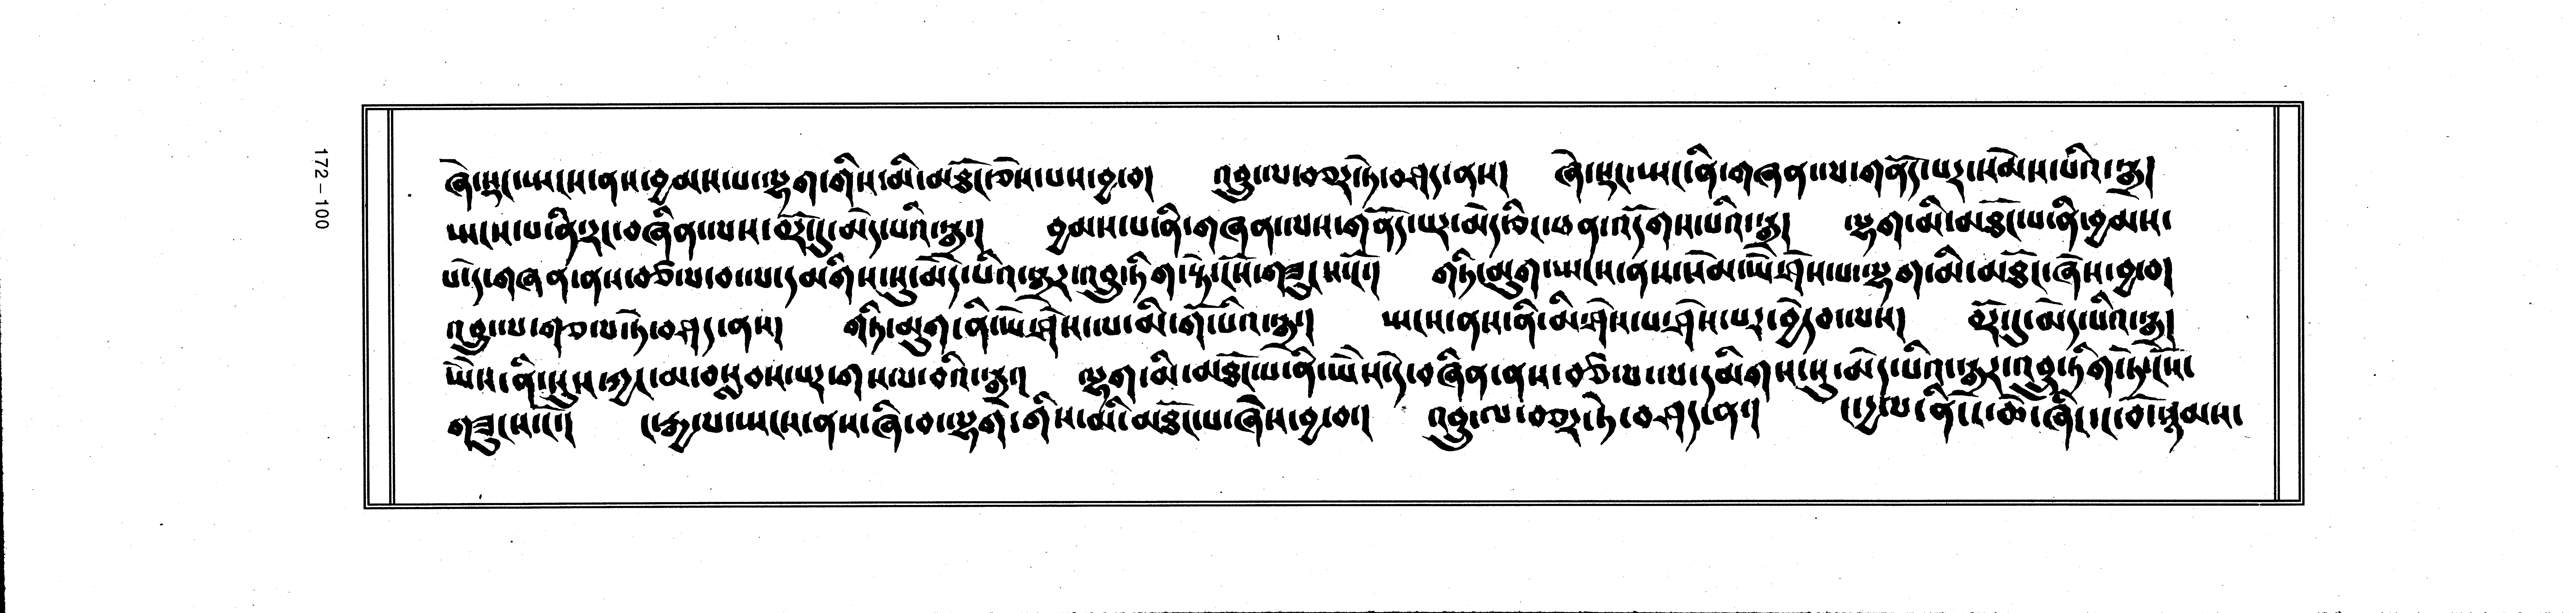ཞེ་སྡང་སྤངས་ནས་བྱམས་པ་ལྷག་གིས་མི་མཐོང་ཅེས་པས་བྱ་བ། འབྲུ་ལ་བཅར་ཏེ་བཤད་ནས། ཞེ་སྡང་སྤང་ནི་གཞན་ལ་གནོད་པར་སེམས་པའི་སྒྲ། 
སྤངས་པ་ནི་རང་བཞིན་ལས་བོར་དུ་མེད་པའི་སྒྲ། བྱམས་པ་ནི་གཞན་ལས་གནོད་པར་མེད་ཅིང་ཕན་འདོགས་པའི་སྒྲ། ལྷག་མི་མཐོང་པ་ནི་བྱམས་
པ་དེ་གཞན་ནས་བཙལ་བ་ལ་དམིགས་སུ་མེད་པའི་སྒྲར་འབྲུ་ཏིག་སྟེ་ངོས་གཟུངས་ངོ་། གཏི་མུག་སྤངས་ནས་སེམས་ཡེ་ཤེས་པ་ལྷག་མི་མཐོང་ཞེས་བྱ་བ། 
འབྲུ་ལ་གཅལ་ཏེ་བཤད་ནས། གཏི་མུག་ནི་ཡེ་ཤེས་ལ་མི་གོ་པའི་སྒྲ། སྤངས་ནས་ནི་མི་ཤེས་པ་ཤེས་པར་བྱེད་བ་ལས། བོར་དུ་མེད་པའི་སྒྲ། 
ཡེ་ཤེས་ནི་སུས་ཀྱང་མ་བསླབས་པར་གསལ་བའི་སྒྲ། ལྷག་མི་མཐོང་པ་ནི་ཡེ་ཤེས་དེ་བཞིན་ནས་བཙལ་ལ་དམིགས་སུ་མེད་པའི་སྒྲར་འབྲུ་ཏིག་ཏེ་ངོས་
གཟུངས་ངོ་། ང་རྒྱལ་སྤངས་ནས་ཞི་བ་ལྷག་གིས་མི་མཐོང་པ་ཞེས་བྱ་བ། འབྲུ་ལ་བཅར་ཏེ་བཤད་ན། ང་རྒྱལ་ནི་ང་ཆེ་ཞིང་ང་བོ་སྙམ་